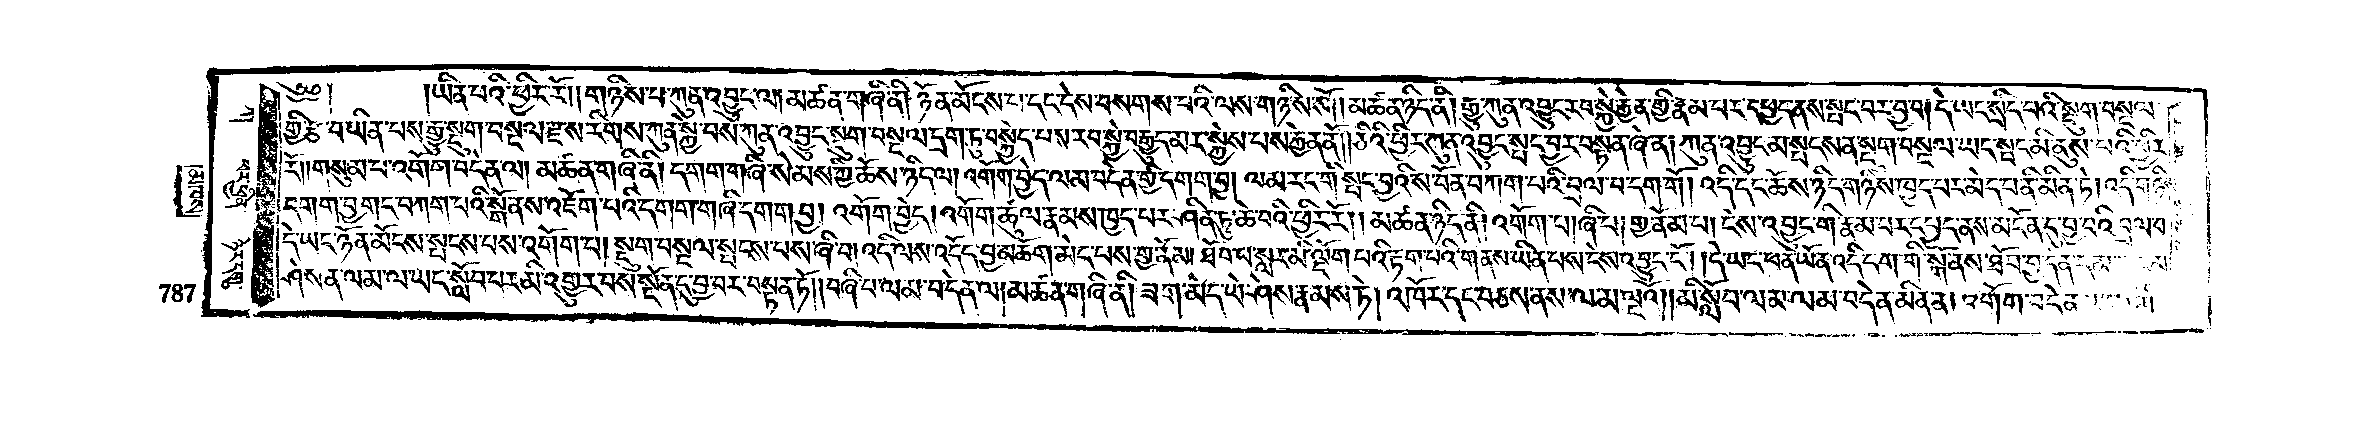༄༅། །ཡིན་པའི་ཕྱིར་རོ། །གཉིས་པ་ཀུན་འབྱུང་ལ། མཚན་གཞི་ནི། ཉོན་མོངས་པ་དང་དེས་བསགས་པའི་ལས་གཉིས་སོ། །མཚན་ཉིད་ནི། རྒྱུ་ཀུན་འབྱུང་རབ་སྐྱེ་རྐྱེན་གྱི་རྣམ་པར་སྤྱད་ནས་སྤང་བར་བྱ་བ། དེ་ཡང་སྲིད་པའི་སྡུག་བསྔལ་
གྱི་རྩ་བ་ཡིན་པས་རྒྱུ་སྡུག་བསངལ་རྫས་རིགས་ཀུན་སྐྱེ་བས་ཀུན་འབྱུང་སྡུག་བསྔལ་དྲག་ཏུ་བསྐྱེད་པས་རབ་སྐྱེ་བརྒྱུད་མར་སྐྱེས་པས་རྐྱེན་ནོ། །ཅིའི་ཕྱིར་ཀུན་འབྱུང་སྤང་བྱར་བསྟན་ཞེ་ན། ཀུན་འབྱུང་མ་སྤངས་ན་སྡུག་བསྔལ་ཡང་སྤང་མི་ནུས་པའི་ཕྱིར་
རོ། །གསུམ་པ་འགོག་བདེན་ལ། མཚན་གཞི་ནི། དགག་གཞི་སེམས་ཀྱི་ཆོས་ཉིད་ལ། འགོག་བྱེད་ལམ་བདེན་གྱི་དགག་བྱ། ལམ་རང་གི་སྤང་བྱའི་ས་བོན་བཀག་པའི་བྲལ་བ་དག་གོ། །འདི་དང་ཆོས་ཉིད་གཉིས་ཁྱད་པར་མེད་པ་ནི་མིན་ཏེ། འདི་གཉིས་
དགག་བྱ་གང་བཀག་པའི་སྒོ་ནས་འཇོག་པའི་དགག་གཞི་དགག་བྱ། འགོག་བྱེད། འགོག་ཚུལ་རྣམས་ཁྱད་པར་ཤིན་ཏུ་ཆེ་བའི་ཕྱིར་རོ། །མཚན་ཉིད་ནི། འགོག་པ། ཞི་བ། གྱ་ནོམ་པ། ངེས་འབྱུང་གི་རྣམ་པར་དཔྱད་ནས་མངོན་དུ་བྱ་བའི་བྲལ་བ་
དེ་ཡང་ཉོན་མོངས་སྤངས་པས་འགོག་པ། སྡུག་བསྔལ་སྤངས་པས་ཞི་བ། འདི་ལས་འདོད་བྱ་མཆོག་མེད་པས་གྱ་ནོམ། ཐོབ་པ་སླར་མི་ལྡོག་པའི་རྟག་པའི་གནས་ཡིན་པས་ངེས་འབྱུང་ངོ། །དེ་ཡང་ཕན་ཡོན་འདི་དག་གི་སྒོ་ནས་ཐོབ་བྱ་དོན་དམ་པར་མ་
ཤེས་ན་ལམ་ལ་ཡང་སློབ་པར་མི་འགྱུར་བས་སྔོན་དུ་བྱ་བར་བསྟན་ཏོ། །བཞི་པ་ལམ་བདེན་ལ། མཚན་གཞི་ནི། ཟག་མེད་ཡེ་ཤེས་རྣམས་ཏེ། འཁོར་དང་བཅས་ནས་ལམ་ལྔའོ། །མི་སློབ་ལམ་ལམ་བདེན་མིན་ན། འགོག་བདེན་ཡང་ནི་མིན་